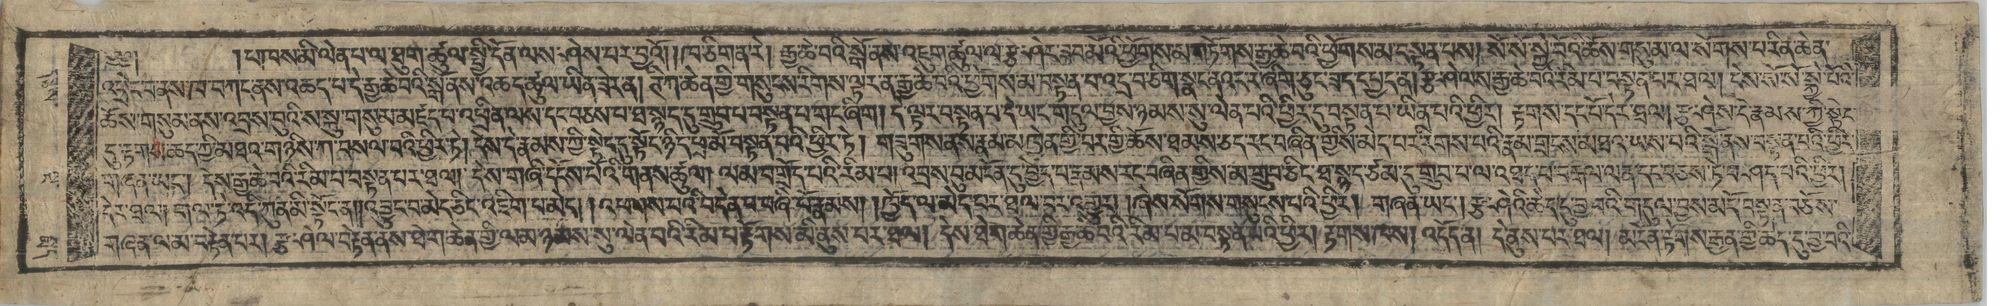༄༅། །པ་ཁས་མི་ལེན་པ་ལ་ཐུག་ཚུལ་སྤྱི་དོན་ལས་ཤེས་པར་བྱའོ། །ཁ་ཅིག་ན་རེ། རྒྱ་ཆེ་བའི་སྒོ་ནས་འཇུག་ཚུལ་ལ་རྩ་ཤེར་ཟབ་མོའི་ཕྱོགས་མ་གཏོགས་རྒྱ་ཆེ་བའི་ཕྱོགས་མ་བསྟན་པས། སོ་སོ་སྐྱེ་བོའི་ཆོས་གསུམ་ལ་སོགས་པ་རིན་ཆེན་
འཕྲེང་བ་ནས་ཁ་བཀང་ནས་འཆད་པ་དེ་རྒྱ་ཆེ་བའི་སྒོ་ནས་འཆད་ཚུལ་ཡིན་ཟེར་ན། ཊིཀ་ཆེན་གྱི་གསུངས་རིགས་ལྟར་ན་རྒྱ་ཆེ་བའི་ཕྱོགས་མ་བསྟན་པ་འདྲ་བ་ཅིག་སྣང་ནའང་རེ་ཞིག་ཅུང་ཟད་དཔྱད་ན། རྩ་ཤེ་ལས་རྒྱ་ཆེ་བའི་རིམ་པ་བསྟན་པར་ཐལ། དེས་སོ་སོ་སྐྱེ་བོའི་
ཆོས་གསུམ་ནས་འབྲས་བུའི་ས་སྐུ་གསུམ་མཛད་པ་འཕྲིན་ལས་དང་བཅས་པ་ཐ་སྙད་དུ་གྲུབ་པ་བསྟན་པ་གང་ཞིག །དེ་ལྟར་བསྟན་པ་དེ་ཡང་གདུལ་བྱས་ཉམས་སུ་ལེན་པའི་ཕྱིར་དུ་བསྟན་པ་ཡིན་པའི་ཕྱིར། རྟགས་དང་པོ་དེར་ཐལ། རྩ་ཤེས་དེ་རྣམས་ཀྱི་སྟེང་
དུ་རྟག་ཆད་ཀྱི་མཐའ་གཉིས་ཀ་བསལ་བའི་ཕྱིར་ཏེ། དེས་དེ་རྣམས་ཀྱི་སྟེང་དུ་སྟོང་ཉིད་ཕྲ་མོ་བསྟན་པའི་ཕྱིར་ཏེ། གཟུགས་ནས་རྣམ་མཁྱེན་གྱི་བར་གྱི་ཆོས་ཐམས་ཅད་རང་བཞིན་གྱིས་མེད་པར་རིགས་པའི་རྣམ་གྲངས་མཐའ་ཡས་པའི་སྒོ་ནས་བསྟན་པའི་ཕྱིར་
གཞན་ཡང་། དེས་རྒྱ་ཆེ་བའི་རིམ་པ་བསྟན་པར་ཐལ། དེས་གཞི་དངོས་པོའི་གནས་ཚུལ། ལམ་བགྲོད་པའི་རིམ་པ། འབྲས་བུ་མངོན་དུ་བྱེད་པ་རྣམས་རང་བཞིན་གྱིས་མ་གྲུབ་ཅིང་ཐ་སྙད་ཙམ་དུ་གྲུབ་པ་ལ་འཐད་པ་བརྒལ་ལན་དང་བཅས་ཏེ་བཤད་པའི་ཕྱིར།
དེར་ཐལ། གལ་ཏེ་འདི་ཀུན་མི་སྟོང་ན། །འབྱུང་བ་མེད་ཅིང་འཇིག་པ་མེད། །འཕགས་པའི་བདེན་པ་བཞི་པོ་རྣམས། །ཁྱོད་ལ་མེད་པར་ཐལ་བར་འགྱུར། །ཞེས་སོགས་གསུངས་པའི་ཕྱིར། གཞན་ཡང་། རྩ་ཤེའི་ཆེད་དུ་བྱ་བའི་གདུལ་བྱས་མདོ་བསྟན་བཅོས་
གཞན་ལ་མ་བརྟེན་པར། རྩ་ཤེ་ལ་བརྟེན་ནས་ཐེག་ཆེན་གྱི་ལམ་ཉམས་སུ་ལེན་པའི་རིམ་པ་རྟོགས་མི་ནུས་པར་ཐལ། དེས་ཐེག་ཆེན་གྱི་རྒྱ་ཆེ་བའི་རིམ་པ་མ་བསྟན་པའི་ཕྱིར། རྟགས་ཁས། འདོད་ན། དེ་ནུས་པར་ཐལ། མངོན་རྟོགས་རྒྱན་གྱི་ཆེད་དུ་བྱ་བའི་